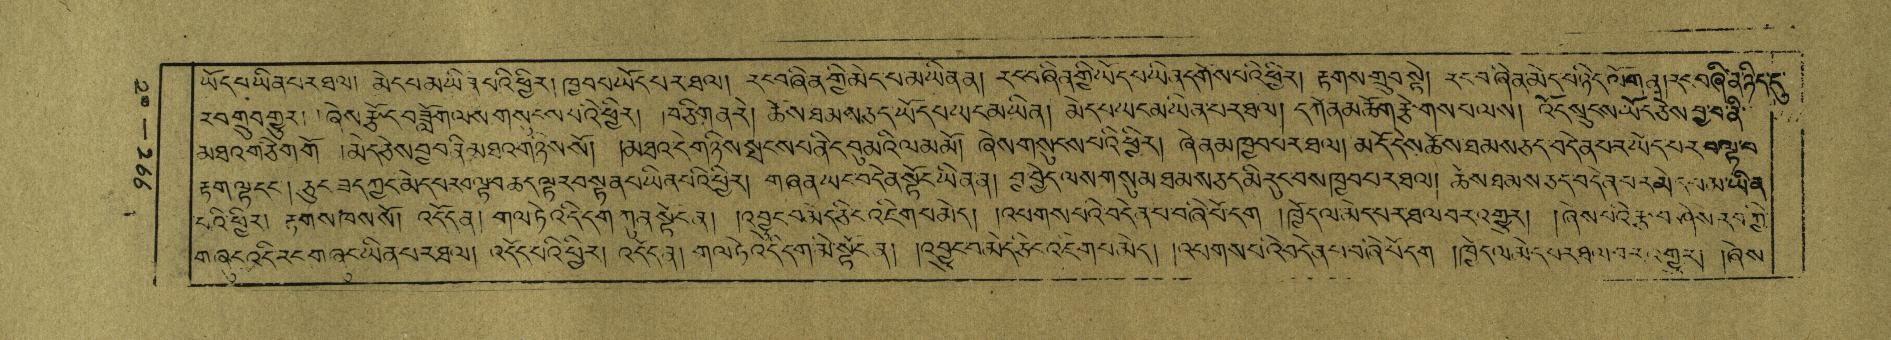ཡོད་པ་ཡིན་པར་ཐལ། མེད་པ་མ་ཡིན་པའི་ཕྱིར། ཁྱབ་པ་ཡོད་པར་ཐལ། རང་བཞིན་གྱི་མེད་པ་མ་ཡིན་ན། རང་བཞིན་གྱི་ཡོད་པ་ཡིན་དགོས་པའི་ཕྱིར། རྟགས་གྲུབ་སྟེ། རང་བཞིན་མེད་པ་ཉིད་ལོག་ན་།རང་བཞིན་ཉིད་དུ་
རབ་གྲུབ་གྱུར། །ཞེས་རྩོད་བཟློག་ལས་གསུངས་པའི་ཕྱིར། ཁ་ཅིག་ན་རེ། ཆོས་ཐམས་ཅད་ཡོད་པ་ཡང་མ་ཡིན། མེད་པ་ཡང་མ་ཡིན་པར་ཐལ། དཀོན་མཆོག་རྩེགས་པ་ལས། འོད་སྲུངས་ཡོད་ཅེས་བྱ་བ་ནི་
མཐའ་གཅིག་གོ །མེད་ཅེས་བྱ་བ་ནི་མཐའ་གཉིས་སོ། །མཐའ་དེ་གཉིས་སྤངས་པ་ནི་དབུ་མའི་ལམ་མོ། ཞེས་གསུངས་པའི་ཕྱིར། ཞེ་ན་མ་ཁྱབ་པར་ཐལ། མདོ་དེས་ཆོས་ཐམས་ཅད་བདེན་པར་ཡོད་པར་བལྟ་བ་
རྟག་ལྟ་དང་། ཅུང་ཟད་ཀྱང་མེད་པར་བལྟ་བ་ཆད་ལྟར་བསྟན་པ་ཡིན་པའི་ཕྱིར། གཞན་ཡང་བདེན་སྟོང་ཡིན་ན། བྱ་བྱེད་ལས་གསུམ་ཐམས་ཅད་མི་རུང་བས་ཁྱབ་པར་ཐལ། ཆོས་ཐམས་ཅད་བདེན་པར་མེད་པ་མ་ཡིན་
པའི་ཕྱིར། རྟགས་ཁས་སོ། འདོད་ན། གལ་ཏེ་འདི་དག་ཀུན་སྟོང་ན། །འབྱུང་བ་མེད་ཅིང་འཇིག་པ་མེད། །འཕགས་པའི་བདེན་པ་བཞི་པོ་དག །ཁྱོད་ལ་མེད་པར་ཐལ་བར་འགྱུར། །ཞེས་པའི་རྩ་བ་ཤེས་རབ་ཀྱི་
གཞུང་འདི་རང་གཞུང་ཡིན་པར་ཐལ། འདོད་པའི་ཕྱིར། འདོད་ན། གལ་ཏེ་འདི་དག་མི་སྟོང་ན། །འབྱུང་བ་མེད་ཅིང་འཇིག་པ་མེད། །འཕགས་པའི་བདེན་པ་བཞི་པོ་དག །ཁྱོད་ལ་མེད་པར་ཐལ་བར་འགྱུར། །ཞེས་